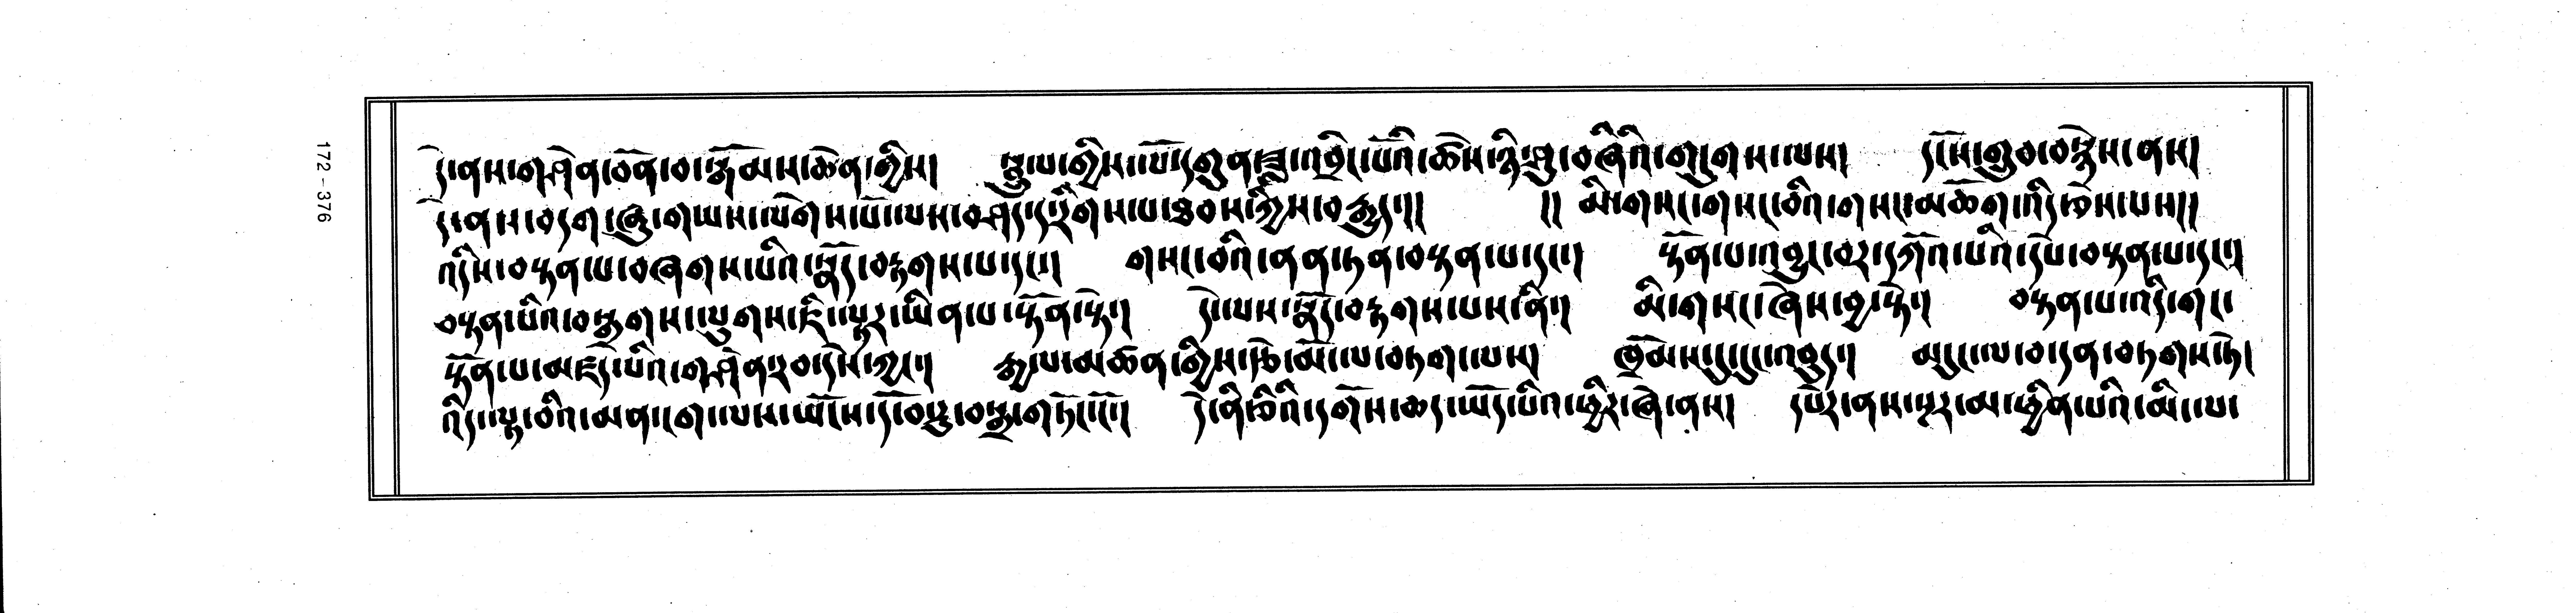དེ་ནས་གཤེན་བོན་བ་སྒོམས་ཆེན་གྱིས། སྦྲུལ་གྱིས་ལོ་དགུན་ཟླ་འབྲིང་པོའི་ཚེས་ཉི་ཤུ་བཞིའི་གདུགས་ལས། དངོས་གྲུབ་བསྙེས་ནས། 
དེ་ནས་བདག་ཞུ་གཡས་ལེགས་པོ་ལས་བཤད་ད་རིག་པ་ཐབས་ཀྱིས་བརྒྱུད། མི་གསང་གསང་བའི་གསང་མཆོག་འདི་ཅེས་པས། 
འདིས་བསྟན་པ་བཞགས་པའི་སྣོད་བརྟགས་པ་དང་། གསང་བའི་ནན་ཏན་བསྟན་པ་དང་། སྟོན་པ་འབྱུང་བར་དཀོའ་པའི་དཔེ་བསྟན་པ་དང་། 
བསྟན་པའི་བསྒྲགས་ལུགས་ཇི་ལྟར་ཡིན་པ་སྟོན་སྟེ། དེ་ལས་སྣོད་བརྟགས་པས་ནི། མི་གསང་ཞེས་བྱ་སྟེ། བསྟན་པ་འདི་གང་
སྟོན་པ་མཛད་པའི་གཤེན་རབ་དེས་ཀྱང་། རྒྱལ་མཚན་གྱིས་རྩེ་མོ་ལ་བཏག་ལས། ཁྲོམས་དུ་དུང་འབུད། མདུང་ལ་བ་དན་བཏགས་ཏེ། 
འདི་ལྟ་བའི་མན་ངག་ལས་ཡོངས་དོ་བ་རུ་སྒྲ་གཏོང་ངོ་། དེ་ནི་ཅིའི་དགོས་ཆད་ཡོད་པའི་ཕྱིར་ཞེ་ནས། དཔེར་ནས་སྔར་མ་ཕྱིན་པའི་མི་ལ་